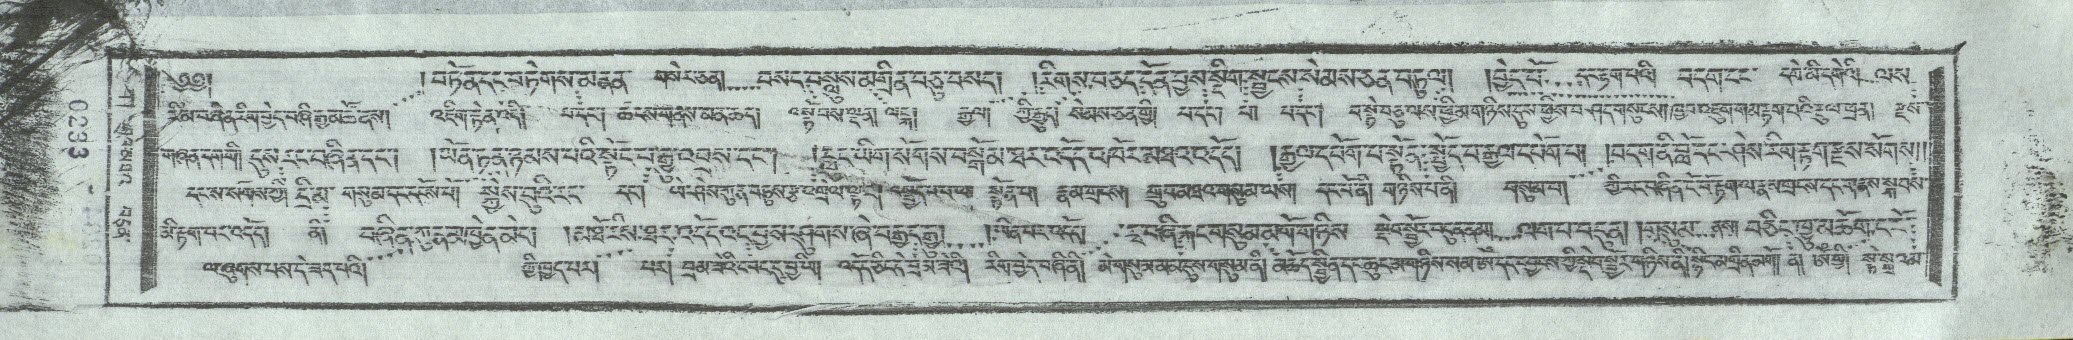༄༅། །བཏོན་དང་བཏེགས་མནན་གསེར་ཅན། བསང་བསླུས་མགྲིན་བཅུ་བསང་། །རིགས་བཅད་དོན་བྱས་སྡིག་སྦྱངས་སེམས་ཅན་བཏུལ། །བྱེད་པོ་དང་རྟག་པའི་བདག་དང་དགེ་མི་དགེའི་ལས་
རིམ་བཞིན་རིག་བྱེད་བཞི་རྒྱ་མཚོ་ནས། འཇིག་རྟེན་འདི། པ་དང་། ཚངས་གནས་མན་ཆད། ང་སྟོབས་ལྡན། ལངྐ?་རྒྱལ། ཀྱི་རྒྱུད། སེམས་ཅན་གྱི། བ་དང་། པ། པ་དང་། བསྟེ་བཅུ་ལས་ཕྱི་མ་གཉིས་དུས་བྱས་བཤད་གསུངས། ཁྱབ་འཇུག་དྷ་པའི་རྡུལ་ཕྲན། རྔ་
གཞན་དག་དི། དུས་རང་བཞིན་དང་། །ཡོན་ཏན་ཉམས་པའི་སྟོང་བ་རྒྱུ་འབྲས་དང་། །རླུང་ཡིག་སོགས་བསྒོམ་ཐར་འདོད་འཁོར་མཐའ་འདོད། །རྒྱལ་དཔོག་བསྟོན་སྤྱོད་བ་རྒྱལ་དཔོག་པ། །བདག་ནི་བློ་དང་ཤེས་རིག་རྟག་རྫས་སོགས།
དངས་སོགས་ཀྱི། དྲི་མ་གསུམ་དང་དངོས་པོ། སྐྱེས་བུའི་རང་དང་། ཡེ་ཤེས་ཀུན་བཏུས་རྩ་འགྲེལ་ལྟར། སྦྱོད་པ་པལ?་སྟོན་པ། རྣམ་གྲངས། གྲུབ་མཐའ་གསུམ་ལས། དང་པོ་ནི། གཉིས་པ་ནི། གསུམ་པ། ཀྱི་རང་བཞིན་ངོ་བོ་རྟག་བ་རྣས་གྲངས་དང་གནས་སྐང་མ་
མི་རྟག་པར་འདོད། ནི། བཞིན་ཀུན་མཁྱེན་མེད། །མཐོ་རིས་ཐར་འདོང་འདུ་བྱས་ཤུགས་ཞེ་བརྒྱད་རྒྱུ། །ཞེན་པང་འདོད། རྭ་བཞི་རྐང་གསུམ་མགོ་གཉིས་སྡེ་སྦྱོར་འདུན་ནག། ལག་པ་བདུན། གསུམ་ནས། བཅིང་ཁྱུ་མཆོག་རོ་
ལ་ཞུགས་པས་དེ་ཟད་བའི། ཀྱི་ཁྱད་པར། བར། བྲམ་ཟེའི་དབང་དུ་བྱིས། འདོད་ཅིང་དེ་ཟབ་ཟེའི། རིམ་བྱེད་བཞི་ནི། མི་གསུམ་མ་དུ་གདུ་མ་ནི། མཆོད་སྦྱིན་དང་ཆུང་གཉིས་སམ་མི་དང་དབྱངས་ཀྱི་སྡེབ་སྦྱོར་གཉིས་མི་ཉིས་མགྲིན་མགོ་ནི། ཨོཾ་??